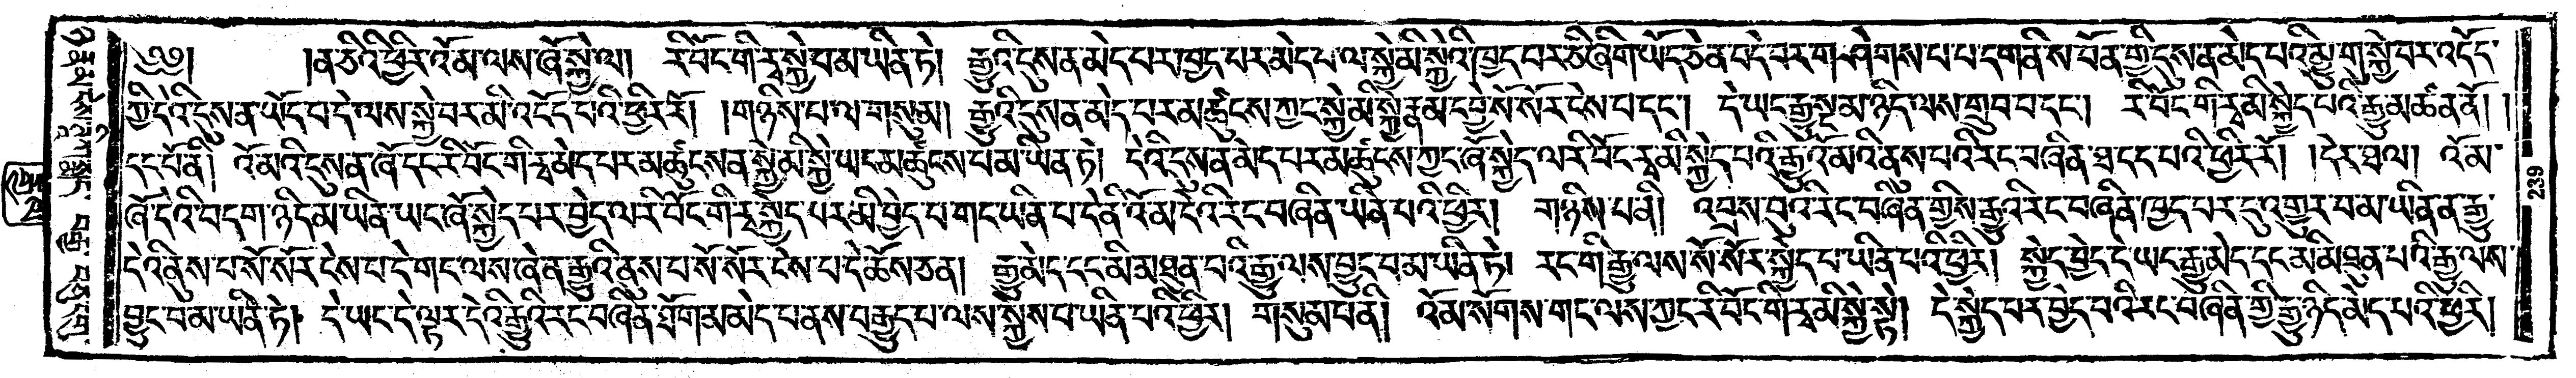༄༅། །ན་ཅིའི་ཕྱིར་འོ་མ་ལས་ཞོ་སྐྱེ་ལ། རི་བོང་གི་རྭ་སྐྱེ་བ་མ་ཡིན་ཏེ། རྒྱུའི་དུས་ན་མེད་པར་ཁྱད་པར་མེད་པ་ལ་སྐྱེ་མི་སྐྱེའི་ཁྱད་པར་ཅི་ཞིག་ཡོད་ཅེ་ན་བདེ་བར་གཤེགས་པ་པ་དག་ནི་ས་བོན་གྱི་དུས་ན་མེད་པའི་མྱུ་གུ་སྐྱེ་བར་འདོད་
ཀྱི་དེའི་དུས་ན་ཡོད་པ་དེ་ལས་སྐྱེ་བར་མི་འདོད་པའི་ཕྱིར་རོ། །གཉིས་པ་ལ་གསུམ། རྒྱུའི་དུས་ན་མེད་པར་མཚུངས་ཀྱང་སྐྱེ་མི་སྐྱེ་རྣམ་དབྱེ་སོ་སོར་ངེས་པ་དང་། དེ་ཡང་རྒྱུ་སྔ་མ་ཉིད་ལས་གྲུབ་པ་དང་། རི་བོང་གི་རྭ་མི་སྐྱེད་པའི་རྒྱུ་མཚན་ནོ། །
དང་པོ་ནི། འོ་མའི་དུས་ན་ཞོ་དང་རི་བོང་གི་རྭ་མེད་པར་མཚུངས་ན་སྐྱེ་མི་སྐྱེ་ཡང་མཚུངས་པ་མ་ཡིན་ཏེ། དེའི་དུས་ན་མེད་པར་མཚུངས་ཀྱང་ཞོ་སྐྱེད་ལ་རི་བོང་རྭ་མི་སྐྱེད་པའི་རྒྱུ་འོ་མའི་ནུས་པའི་རང་བཞིན་ཐ་དད་པའི་ཕྱིར་རོ། །དེར་ཐལ། འོ་མ་
ཞོ་དེའི་བདག་ཉིད་མ་ཡིན་ཡང་ཞོ་སྐྱེད་པར་བྱེད་ལ་རི་བོང་གི་རྭ་སྐྱེད་པར་མི་བྱེད་པ་གང་ཡིན་པ་དེ་ནི་འོ་མ་དེའི་རང་བཞིན་ཡིན་པའི་ཕྱིར། གཉིས་པ་ནི། འབྲས་བུའི་རང་བཞིན་གྱིས་རྒྱུའི་རང་བཞིན་ཁྱད་པར་དུ་འགྱུར་པ་མ་ཡིན་ན་རྒྱུ་
དེའི་ནུས་པ་སོ་སོར་ངེས་པ་དེ་གང་ལས་ཞེ་ན་རྒྱུའི་ནུས་པ་སོ་སོར་ངེས་པ་དེ་ཆོས་ཅན། རྒྱུ་མེད་དང་མི་མཐུན་པའི་རྒྱུ་ལས་བྱུང་བ་མ་ཡིན་ཏེ། རང་གི་རྒྱུ་ལས་སོ་སོར་སྐྱེད་པ་ཡིན་པའི་ཕྱིར། སྐྱེད་བྱེད་དེ་ཡང་རྒྱུ་མེད་དང་མི་མཐུན་པའི་རྒྱུ་ལས་
བྱུང་བ་མ་ཡིན་ཏེ། དེ་ཡང་དེ་ལྟར་དེའི་རྒྱུའི་རང་བཞིན་ཐོག་མ་མེད་པ་ནས་བརྒྱུད་པ་ལས་སྐྱེས་པ་ཡིན་པའི་ཕྱིར། གསུམ་པ་ནི། འོ་མ་སོགས་གང་ལས་ཀྱང་རི་བོང་གི་རྭ་མི་སྐྱེ་སྟེ། དེ་སྐྱེད་པར་བྱེད་པའི་རང་བཞིན་གྱི་རྒྱུ་ཉིད་མེད་པའི་ཕྱིར།